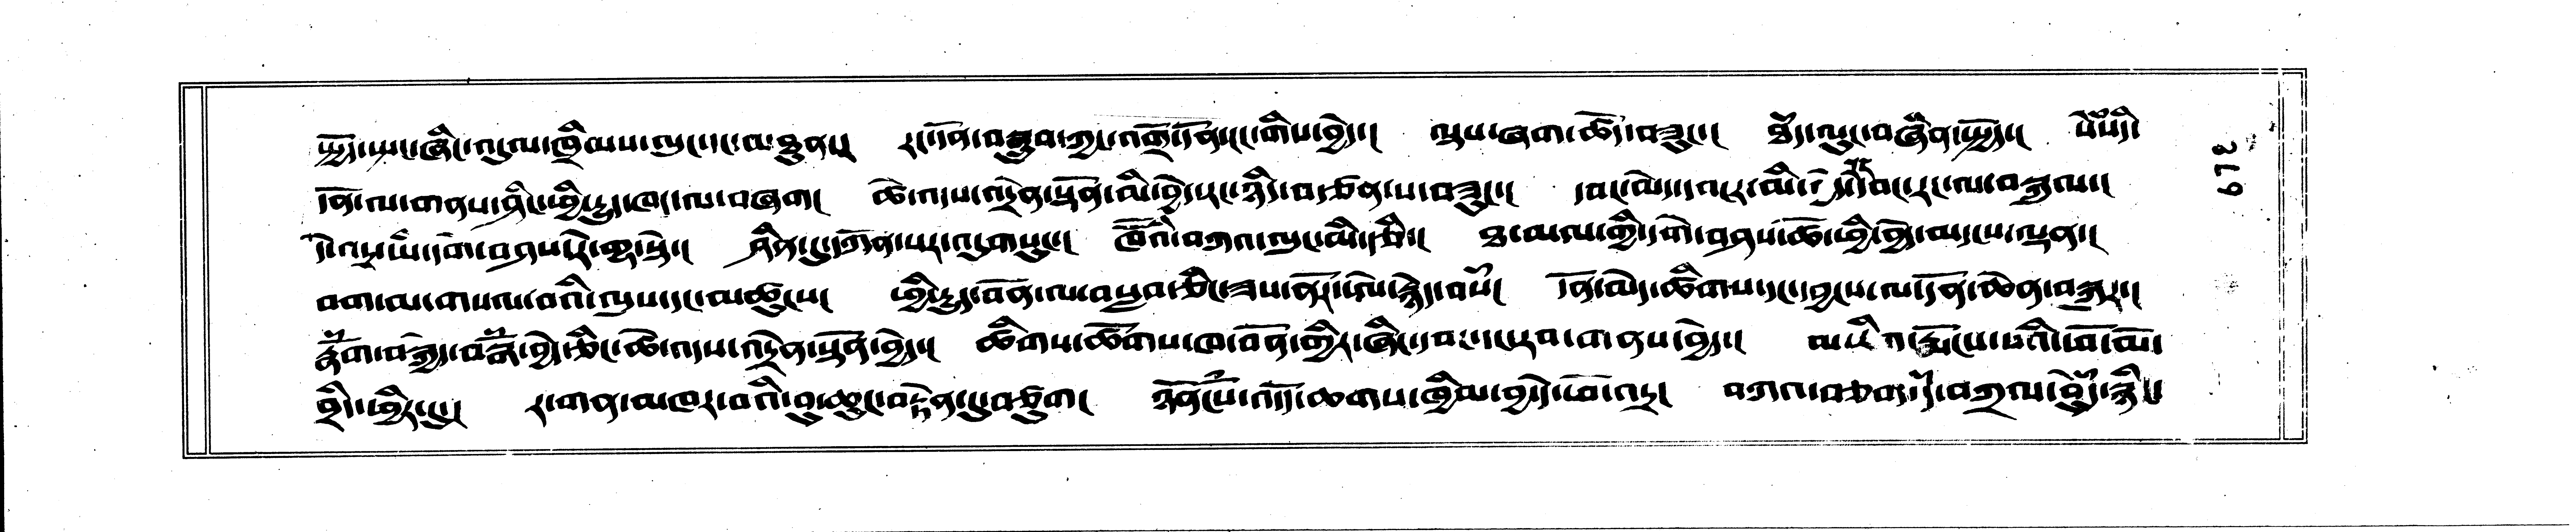སྤྱོད་སྤང་ཞིང་འདུལ་ཁྲིམས་ལུང་དང་མཐུན། རང་དོན་འགྲུབ་ཀྱང་འགྲོ་དོན་བྱེད། བཏང་བཞག་ཚོད་བཟུང་ཐམས་ཅད་ལུང་བཞིན་སྤྱོད། སེམས་ཉིད་
དོན་ལ་གནས་ཤིང་ཕྱི་རྒྱུད་ཁད་ལ་བཞུགས། ཚེ་འདས་འགྲོ་དོན་མི་བྱེད་རང་གིས་བརྩན་ས་བཟུང་། དབང་མེད་དབང་བསྐུར་མི་བྱེད་རང་དབང་རང་ལ་སྐུར། 
དེ་འདྲའི་དགེ་བཤེས་རེ་གྷ་(འགའ)་སྟེ། ཤིན་ཏུ་དཀོན་བར་འདུག་གསུངས། ཡང་ཁོ་བོའི་བཀའ་ལུང་མི་རྩི་ཐ་མལ་དགེ་བཤེས་ཚོ། ཕྱི་གཟབ་མདངས་ལྡན་
བག་སར་ལུས་དང་མཚུངས། ཕྱི་རྒྱུད་བོན་ལ་བརླབས་ཤིང་ཟས་ནོར་ཨི་རྙེད་བསམ། དོན་མེད་ཚིག་དང་དབྱངས་ལ་དོན་ཆད་སྐྱུར་‘‘དོན་ཆེན་བསྐུར”། 
རྣམ་རྟོག་བསྐྱེད་བསྒོམ་བྱེད་ཅིང་ཚེ་འདས་འདྲེན་དོན་བྱེད། ཚིག་ཚོགས་ཁ་བོན་གྱེར་ཞིང་དབང་དང་རབ་གནས་བྱེད། མ་རིག་རྨོངས་པའི་སྐྱེ་བོ་
བྲིད་པའི་ཕྱིར། རག་གན་མཁར་བའི་བུམ་ཆུང་རྟེན་དུ་བཙུག ཉོན་མོངས་འདོད་ཆགས་རྒྱ་སོགས་འོག་ངན་འདྲ། བཀའ་བཅགས་དམ་བཀྲལ་བུ་མེད་སྙིང་ལ་